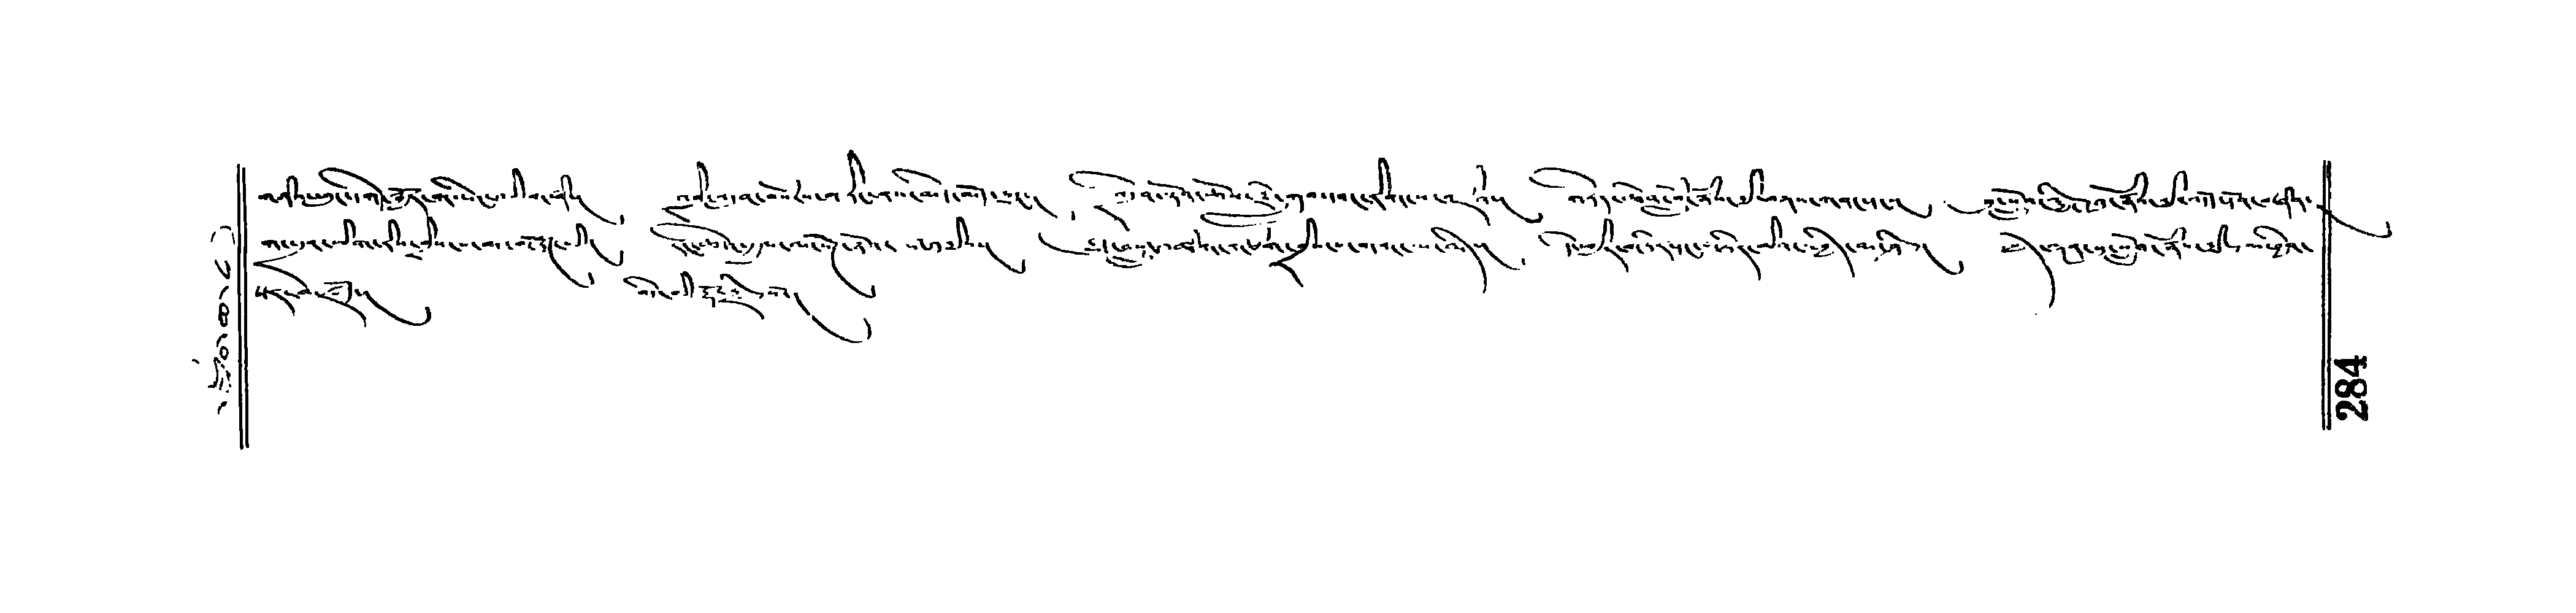གཉིས་ཕུང་དགེ་སྦྱོར་གཡེང་བའི་གཞི། །འབྲི་འདུན་བསམ་པ་གཏིང་ནས་མེད་མོད་ཀྱང་། །འདྲེན་སྟོན་ཆོས་རྗེ་གྲུབ་དབང་རིག་པ་འཛིན། །གཏེར་ཆེན་བླ་མ་རྣམས་ཀྱི་བཀའ་གནང་དང་། །བུ་སློབ་སྐྱེས་བུ་རྣམས་ཀྱི་འདོད་དོན་བཞིན། །
གང་དྲན་ཡིག་རིས་བྲིས་པ་མ་གཏོགས་པའི། །རང་ཆེ་ང་རྒྱལ་ལ་སོགས་ཉོན་མོངས་ཀྱིས། །རྒྱུད་བསླད་ཚིག་གཅིག་བྲིས་པ་བདག་ལ་མེད། །དེ་ཕྱིར་གཏེར་དང་གཏེར་མིན་འབྱེད་མ་ཤེས། །དཔྱོད་ལྡན་བུ་སློབ་རྣམས་ཀྱིས་མཁྱེན་
པར་མཛོད།། བདེ་བའི་རྡོ་རྗེས་སོ།།